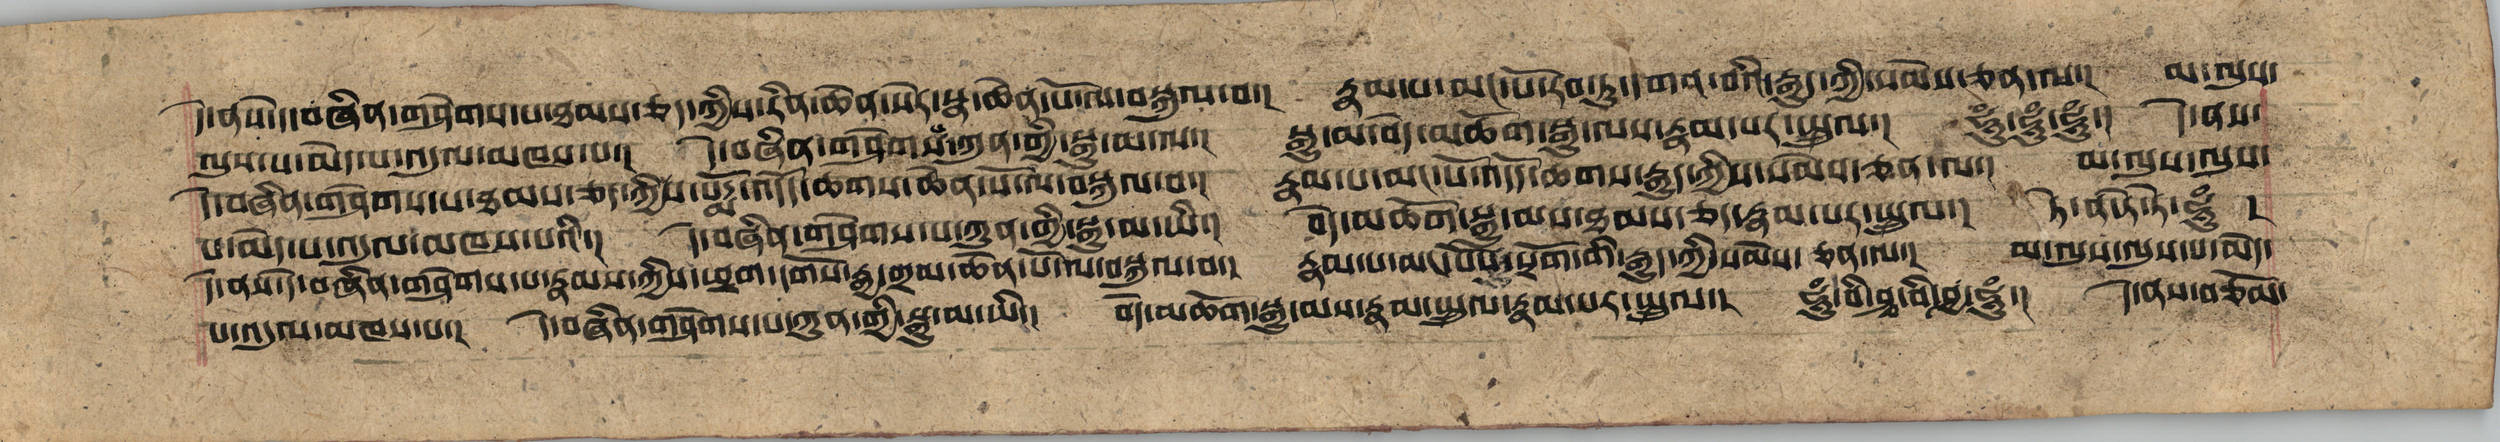དེ་ནས་དེ་བཞིན་གཤེགས་པ་ཐམས་ཅད་ཀྱིས་རིན་ཆེན་སེར་སྣ་ཆེན་པོ་ལ་བསྐུལ་བ་། རྣམ་པ་མང་པོ་རབ་ཏུ་དགའ་བའི་རྒྱུད་ཀྱི་སེམས་ཅན་ལ་། མ་ལུས་
ལུས་པ་མེད་པ་འདུལ་མཁས་པ་། དེ་བཞིན་གཤེགས་པ་ཀུན་གྱི་སྒྱུ་མ་ལ་། སྒྱུ་མ་བདེ་མཆོག་སྒྱུ་ལས་རྣམ་པར་སྤྲུལ་། ཧཱུྃ་ཧཱུྃ་ཧཱུྃ་། དེ་ནས་
དེ་བཞིན་གཤེགས་པ་ཐམས་ཅད་ཀྱིས་པདྨོ་འདོད་ཆགས་ཆེན་པོ་ལ་བསྐུལ་བ་། རྣམ་པ་མང་པོ་འདོད་ཆགས་རྒྱུད་ཀྱིས་སེམས་ཅན་ལ་། མ་ལུས་ལུས་
པ་མེད་པ་འདུལ་མཁས་པའི་། དེ་བཞིན་གཤེགས་པ་ཀུན་གྱི་སྒྱུ་མ་ཡི་། བདེ་མཆོག་སྒྱུ་མས་ཐམས་ཅད་རྣམ་པར་སྤྲུལ་། ཏེ་ན་ཏེ་ཏེ་ཧཱུཾ །
དེ་ནས་དེ་བཞིན་གཤེགས་པ་རྣམས་ཀྱིས་ཕྲག་དོགས་རྒྱ་གྲམ་ཆེན་པོ་ལ་བསྐུལ་བ་། རྣམ་པ་མང་པོས་སྲོག་གི་རྒྱུད་ཀྱི་སེམས་ཅན་ལ་། མ་ལུས་ལུས་པ་མེད་
པ་འདུལ་མཁས་པ་། དེ་བཞིན་གཤེགས་པ་ཀུན་གྱི་སྒྱུ་མ་ཡི་། བདེ་མཆོག་སྒྱུ་མས་རྣམ་སྤྲུལ་རྣམ་པར་སྤྲུལ་། ཧཱུཾ་བི་ཤྭ་བི་ཤྱ་ཧཱུཾ་། དེ་ནས་བཅོམ་